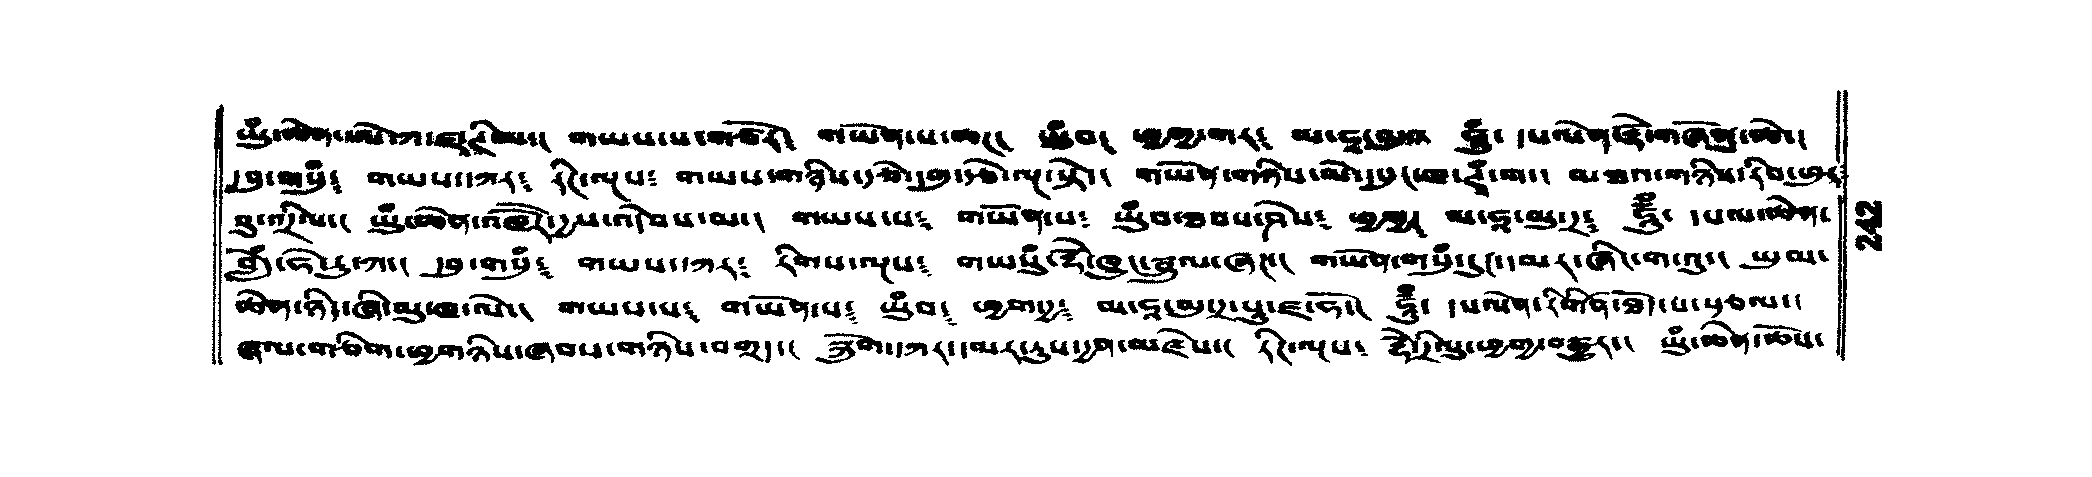ཡུམ་ཆེན་ཨེ་ཀ་ཛཱ་ཊི་མ། གཡས་པ་གཙོར་༴ གཡོན་པ་ཆང་༴ ཡབ་ཡུམ་༴ ཕྱག་རྒྱ་༴ མ་ཧཱ་མུ་༴ ཧཱུྃ། དཔལ་ཆེན་རྡོ་རྗེ་གཞོན་ནུ་ཆེ། །
དབུ་གསུམ་༴ གཡས་དཀར་༴ རིགས་ལྔས་༴ གཡས་གཉིས་རྩེ་དགུ་རྩེ་ལྔ་སྟེ། ། གཡོན་གཉིས་མེ་དཔུང་ཁ་ཊྭ་ག་མཐའ་གཉིས་རི་རབ་ཕུར་
བུ་འདྲིལ། །ཡུམ་ཆེན་འཁོར་ལོ་རྒྱས་འདེབས་མ།། གཡས་པ་༴ གཡོན་པ་༴ ཡབ་ཡུམ་ཐབས་ཤེས་༴ ཕྱག་རྒྱ་༴ མ་ཧཱ་མུ་དྲ་༴ ཧཱུྃ། དཔལ་ཆེན་
བླ་མེད་ཧེ་རུ་ཀ། །དབུ་གསུམ་༴ གཡས་དཀར་༴ རིགས་ལྔས་༴ གཡས་སུ་རྡོ་རྗེ་ཁྱུང་སྦྲུལ་ཞགས། ། གཡོན་གསུམ་དུང་དམར་ཞིང་ག་འུ། །ཡུམ་
ཆེན་ཉི་ཞི་མུ་ཁ་ལེ། །གཡས་པ་༴ གཡོན་པ་༴ ཡབ་ཡུམ་༴ ཕྱག་རྒྱ་༴ མ་ཧཱ་མུ་དྲ་པཱུ་ཛ་ཧོ། ཧཱུྃ། དཔལ་ལེན་རིག་འཛིན་ཐོད་པ་རྩལ། །
ཞལ་གཅིག་ཕྱག་གཉིས་ཞབས་གཉིས་བགྲད། །སྐུ་མདོག་དཀར་དམར་རུས་རྒྱན་མཛེས། །རིགས་ལྔས་༴ རྡོ་རྗེ་དྲིལ་བུ་ཕྱག་རྒྱ་བསྒྱུར། །ཡུམ་ཆེན་ཆོས་